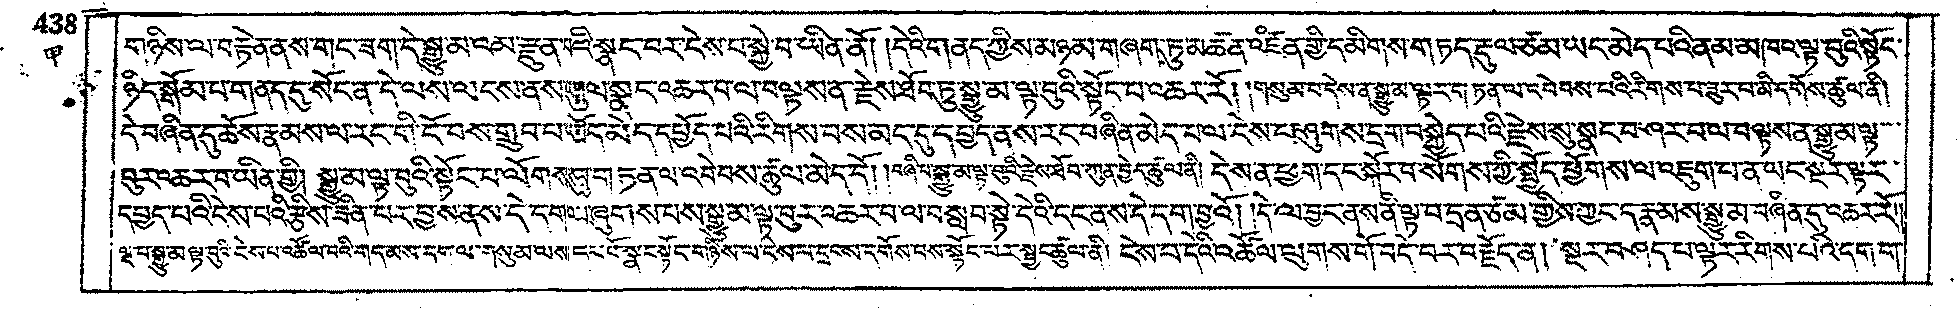གཉིས་ལ་བརྟེན་ནས་གང་ཟག་དེ་སྒྱུ་མའམ་རྫུན་པའི་སྣང་བར་ངེས་པ་སྐྱེ་བ་ཡིན་ནོ། །དེའི་གནད་ཀྱིས་མཉམ་གཞག་ཏུ་མཚན་འཛིན་གྱི་དམིགས་གཏད་རྡུལ་ཙམ་ཡང་མེད་པའི་ནམ་མཁའ་ལྟ་བུའི་སྟོང་
ཉིད་སྒོམ་པ་གནད་དུ་སོང་ན་དེ་ལས་ལངས་ནས་ཡུལ་སྣང་འཆར་བ་ལ་བལྟས་ན་རྗེས་ཐོབ་ཏུ་སྒྱུ་མ་ལྟ་བུའི་སྟོང་པ་འཆར་རོ། །གསུམ་པ་དེས་ན་སྒྱུ་མ་ལྟར་གཏན་ལ་འབེབས་པའི་རིགས་པ་ཟུར་པ་མི་དགོས་ཚུལ་ནི།
དེ་བཞིན་དུ་ཆོས་རྣམས་ལ་རང་གི་ངོ་བས་གྲུབ་པ་ཡོད་མེད་དཔྱོད་པའི་རིགས་པས་མང་དུ་དཔྱད་ནས་རང་བཞིན་མེད་པ་ལ་ངེས་པ་ཤུགས་དྲག་བསྐྱེད་པའི་རྗེས་སུ་སྣང་བ་ཤར་བ་ལ་བལྟས་ན་སྒྱུ་མ་ལྟ་
བུར་འཆར་བ་ཡིན་གྱི། སྒྱུ་མ་ལྟ་བུའི་སྟོང་པ་ལོགས་སུ་གཏན་ལ་འབེབས་ཚུལ་མེད་དོ། །བཞི་པ་སྒྱུ་མ་ལྟ་བུའི་རྗེས་ཐོབ་ཀུན་བྱེད་ཚུལ་ནི།  དེས་ན་ཕྱག་དང་སྐོར་བ་སོགས་ཀྱི་སྤྱོད་ཕྱོགས་ལ་འཇུག་པ་ན་ཡང་སྔར་ལྟར་
དཔྱད་པའི་ངེས་པའི་རྩིས་ཟིན་པར་བྱས་ནས་དེ་དག་ལ་ཞུགས་པས་སྒྱུ་མ་ལྟ་བུར་འཆར་བ་ལ་བསླབ་སྟེ་དེའི་ངང་ནས་དེ་དག་བྱའོ། །དེ་ལ་བྱང་ནས་ནི་ལྟ་བ་དྲན་ཙམ་གྱིས་ཀྱང་ད་རྣམས་སྒྱུ་མ་བཞིན་དུ་འཆར་རོ།།
ལྔ་པ་སྒྱུ་མ་ལྟ་བུའི་ངེས་པ་འཚོལ་བའི་གདམས་ངག་ལ་གསུམ་ལས། དང་པོ་སྣང་སྟོང་གཉིས་ལ་ངེས་པ་དྲངས་དགོས་པས་སྟོང་པར་སྦྱང་ཚུལ་ནི།  ངེས་པ་དེའི་འཚོལ་ལུགས་གོ་བདེ་བར་བརྗོད་ན། སྔར་བཤད་པ་ལྟར་རིགས་པའི་དགག་